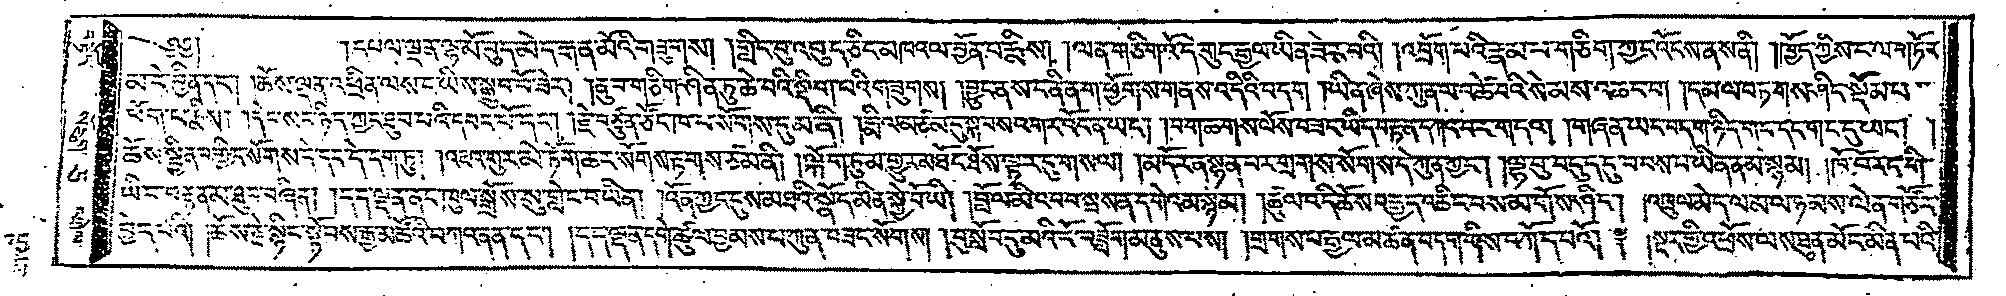༄༅། །དཔལ་ལྡན་ལྷ་མོ་བུད་མེད་རྒན་མོའི་གཟུགས། །གླིང་བུ་འབུད་ཅིང་མཁའ་ལ་བྱོན་པ་རྨིས། །ལན་གཅིག་འོ་དེ་གུང་རྒྱལ་ཡིན་ཟེར་བའི། །འབྲོག་པའི་རྣམ་པ་གཅིག་ཀྱང་འོངས་ནས་ནི། །ཁྱོད་ཀྱིས་ང་ལ་གཏོར་
མ་རེ་བྱིན་དང་། །ཆོས་ལྡན་འཕྲིན་ལས་ང་ཡིས་སྒྲུབ་བོ་ཟེར། །ནུབ་གཅིག་ཤིན་ཏུ་ཆེ་བའི་སྡིག་པའི་གཟུགས། །བྱུང་ནས་ང་ནི་ནག་ཕྱོགས་གནས་འདིའི་བདག །ཡིན་ཞེས་ཀུན་ལ་འཚེ་བའི་སེམས་འཆང་བ། །དམ་ལ་བཏགས་ཤིང་སྡོམ་པ་
ཕོག་པ་རྨིས། །དེང་སང་ཉིད་ཀྱང་ཐུབ་པའི་དབང་པོ་དང་། །རྗེ་བཙུན་ཙོང་ཁ་པ་སོགས་དུ་མ་ནི། །རྨི་ལམ་ཙམ་དུ་སྐབས་འགར་འོང་ན་ཡང་། །བག་ཆགས་ལོས་བཟང་ཡིད་བརྟན་དཀའ་བར་གདའ། །གཞན་ཡང་བདག་ཉིད་གང་དང་གང་དུ་ཡང་། །
ཆོས་སྦྱིན་བགྱིད་སོགས་དེ་དང་དེ་དག་ཏུ། །འཇའ་གུར་མེ་ཏོག་ཆར་སོགས་རྟགས་ཙམ་ནི། །ལྐོག་ཏུ་མ་གྱུར་མཐོང་ཐོས་ལྟར་དུ་གསལ། །མདོར་ན་སྙན་པར་གྲགས་སོགས་དེ་ཀུན་ཀྱང་། །ལྷ་བུ་བདུད་དུ་བབས་པ་ཡིན་ནམ་སྙམ། །ཁོ་བོ་རང་གི་
ཡིད་བརྟན་མ་ཐུབ་བཞིན། །དད་ལྡན་ནང་ཁུལ་སྒྲོས་སུ་གླེང་བ་ཡིན། །འོན་ཀྱང་དུས་མཐའི་སྣོད་མིན་སྐྱེ་བོ་ཡི། །བློ་ལ་མི་འབབ་སྦས་ན་དགེའམ་སྙམ། །ཚུལ་འདི་ཆོས་བརྒྱད་འཆིང་བས་མ་གོས་ཤིང་། །འཁྲུལ་མེད་ལམ་ལ་ཉམས་ལེན་གཙོར་
བྱེད་པའི། །ཆོས་རྗེ་སྙིང་སྟོབས་རྒྱ་མཚོའི་བཀའ་ནན་དང་། །དད་ལྡན་དགེ་ཚུལ་བྱམས་པ་ཀུན་བཟང་སོགས། །བུ་སློབ་དུ་མའི་ངོ་བཟློག་མ་ནུས་པས། །གྲགས་པ་རྒྱལ་མཚན་བདག་གིས་བཀོད་པའོ། ༈ །སྔར་གྱི་འཕྲོས་ལས་ཐུན་མོང་མིན་པའི་